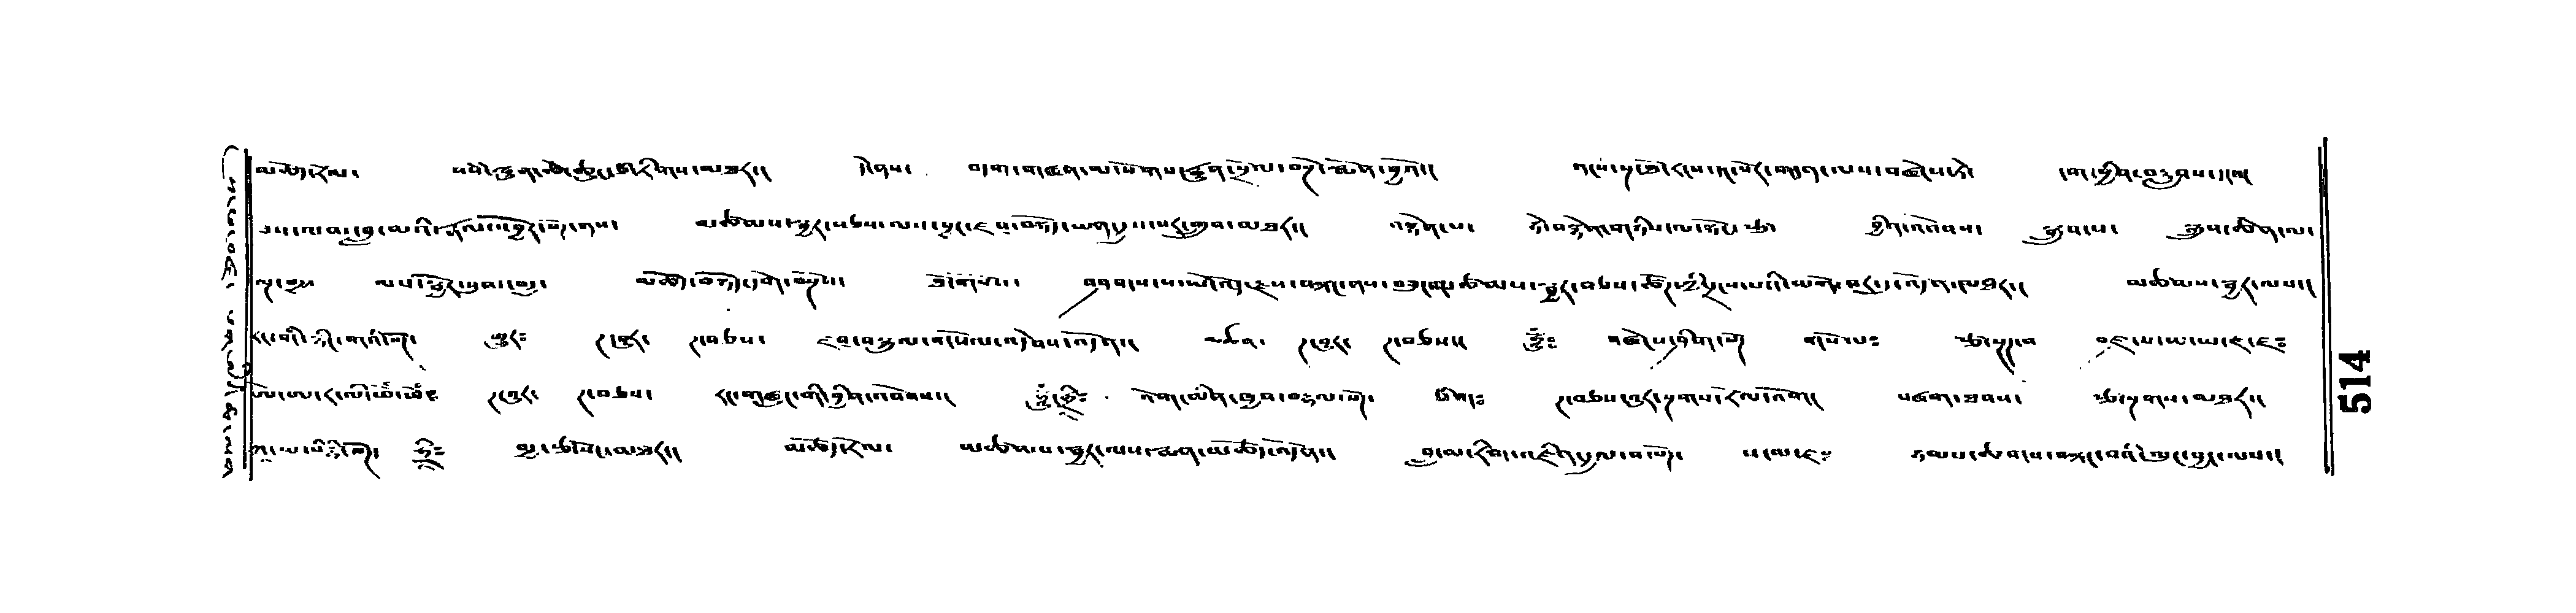མཆོད་རོལ། བསམ་ལྷུན་ཆེ་ཆུང་ཅི་རིགས་མཐར། དེ་ནས། བདག་གཞན་མ་སོགས་རྒྱུན་སྲོལ་བསྔོ་སྨོན་བྱའོ། ནངས་སྔ་ཐོ་རངས་དང་པོར་གདན་ལས་བཞེངས་ཏེ། ངག་བྱིན་བརླབས་དང་། 
ཟབ་ལམ་བླ་མའི་རྣལ་འབྱོར་སོགས་ནས། མཚམས་སྦྱར་བཅས་ལས་བྱང་འཛབ་བསྟོད་ཡན་རྒྱས་པར་གྲུབ་མཐར། བསྙེན་པ།ཉེ་བསྙེན་གཉིས་ལ་སྟོང་རྩ། བྱིན་འབེབས། སྒྲུབ་པ། སྒྲུབ་ཆེན་ལ་
ལྔ་བརྒྱ། ལས་སྦྱོར་སུམ་བརྒྱ། མཆོད་བསྟོད་དགེ་བསྔོ། ཐོ་གསོས། བཤགས་པ་ཡེ་འོད་རྫས་བསྐང་ནས་བཟུང་མཚམས་སྦྱར་བཅས་ཚོགས་ཀྱི་དྲངས་པའི་འགོ་བར་དུ་འདོན་མཐར། མཚམས་སྦྱར་ལས། 
རང་གི་སྙིང་གའི་སོགས། གྱུར༔ ཌཱ་འུར། ཌཱ་བཅས། འཛབ་བསྐུལ་གསོལ་འདེབས་འདོན། མཆན། ཌཱ་འུར། ཌཱ་བཅས། ཧཱུྃ༔ བཞེངས་ཤིག་སོགས། གསོལ༔ རྩ་སྔགས་མཐར། བཛྲ་ས་མ་ཡ་ཛ་ཛཿ 
ཨེ་ཨ་ར་ལི་ཕེཾ་ཕེཾ༔ ཌཱ་འུར། ཌཱ་བཅས། རང་གཞུང་གི་བྱིན་འབེབས། ཧཱུྃ་ཧྲཱིཿ འོག་མིན་ཁྱབ་བརྡལ་སོགས། ཅིག༔ ཌཱ་བཅས་འུར་སྔགས་རོལ་འོག་བཞག་ཐབས། རྩ་སྔགས་མཐར། 
ཀཱ་ཡ་སིདྡྷི་སོགས། ཧྲཱིཿ བརྒྱ་རྩ་སོང་མཐར། མཆོད་རོལ། མཚམས་སྦྱར་ལས་སྨན་མཆོད་འདོན། བླ་མ་རིག་འཛིན་རྒྱལ་བ་སོགས། ས་མ་ཛཿ ཉམས་ཆགས་བསྐང་བའི་ལུང་བྱང་ལས།